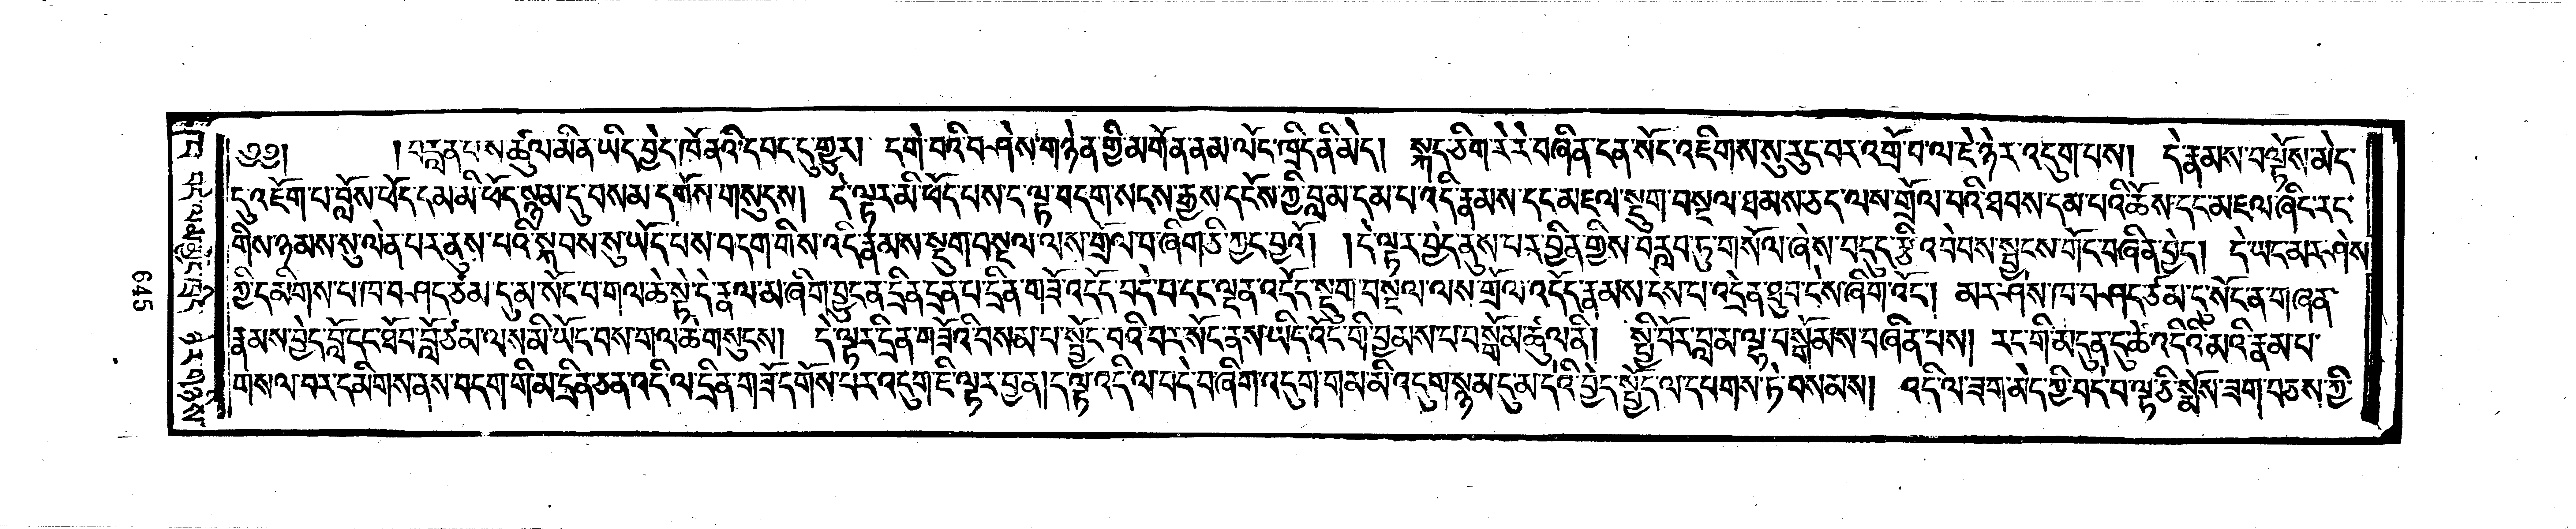༄༅། །བརླན་པས་ཚུལ་མིན་ཡིད་བྱེད་ཁོ་ནའི་དབང་དུ་གྱུར། དགེ་བའི་བཤེས་གཉེན་གྱི་མགོན་ནམ་ལོང་ཁྲིད་ནི་མེད། སྐད་ཅིག་རེ་རེ་བཞིན་ངན་སོང་འཇིགས་སུ་རུང་བར་འགྲོ་བ་ལ་ཇེ་ཉེར་འདུག་པས། དེ་རྣམས་བལྟོས་མེད་
དུ་འཇོག་པ་བློས་ཕོད་དམ་མི་ཕོད་སྙམ་དུ་བསམ་དགོས་གསུངས། དེ་ལྟར་མི་ཕོད་པས་ད་ལྟ་བདག་སངས་རྒྱས་དངོས་ཀྱི་བླ་མ་དམ་པ་འདི་རྣམས་དང་མཇལ་སྡུག་བསྔལ་ཐམས་ཅད་ལས་གྲོལ་བའི་ཐབས་དམ་པའི་ཆོས་དང་མཇལ་ཞིང་རང་
གིས་ཉམས་སུ་ལེན་པར་ནུས་པའི་སྐབས་སུ་ཡོད་པས་བདག་གིས་འདི་རྣམས་སྡུག་བསྔལ་ལས་གྲོལ་བ་ཞིག་ཅི་ཀྱང་བྱའོ། །དེ་ལྟར་བྱེད་ནུས་པར་བྱིན་གྱིས་བརླབ་ཏུ་གསོལ་ཞེས་བདུད་རྩི་འབེབས་སྦྱངས་གོང་བཞིན་བྱེད། དེ་ཡང་མར་ཤེས་
ཀྱི་དམིགས་པ་ཁ་བཤད་ཙམ་དུ་མ་སོང་བ་གལ་ཆེ་སྟེ་དེ་རྣལ་མ་ཞིག་བྱུང་ན་དྲིན་དྲན་པ་དྲིན་གཟོ་འདོད་བདེ་བ་དང་ལྡན་འདོད་སྡུག་བསྔལ་ལས་གྲོལ་འདོད་རྣམས་ངེས་པ་འདྲེན་ཐུབ་ངེས་ཞིག་འོད། མར་ཤེས་ཁ་བཤད་ཙམ་དུ་སོང་ན་གཞན་
རྣམས་བྱེད་བློ་དང་ཐོབ་བློ་ཙམ་ལས་མི་ཡོད་བས་གལ་ཆེ་གསུངས། དེ་ལྟར་དྲིན་གཟོའི་བསམ་པ་སྦྱོང་བའི་བར་སོང་ནས་ཡིད་འོང་གི་བྱམས་པ་བསྒོམ་ཚུལ་ནི། སྤྱི་བོར་བླ་མ་ལྷ་བསྒོམས་བཞིན་པས། རང་གི་མདུན་དུ་ཚེ་འདིའི་མའི་རྣམ་པ་
གསལ་བར་དམིགས་ནས་བདག་གི་མ་དྲིན་ཅན་འདི་ལ་དྲིན་གཟོ་དགོས་པར་འདུག་ཇི་ལྟར་བྱ་ན། ད་ལྟ་འདི་ལ་བདེ་བ་ཞིག་འདུག་གམ་མི་འདུག་སྙམ་དུ་མ་དེའི་བྱེད་སྤྱོད་ལ་དཔགས་ཏེ་བསམས། འདི་ལ་ཟག་མེད་ཀྱི་བདེ་བ་ལྷ་ཅི་སྨོས་ཟག་བཅས་ཀྱི་